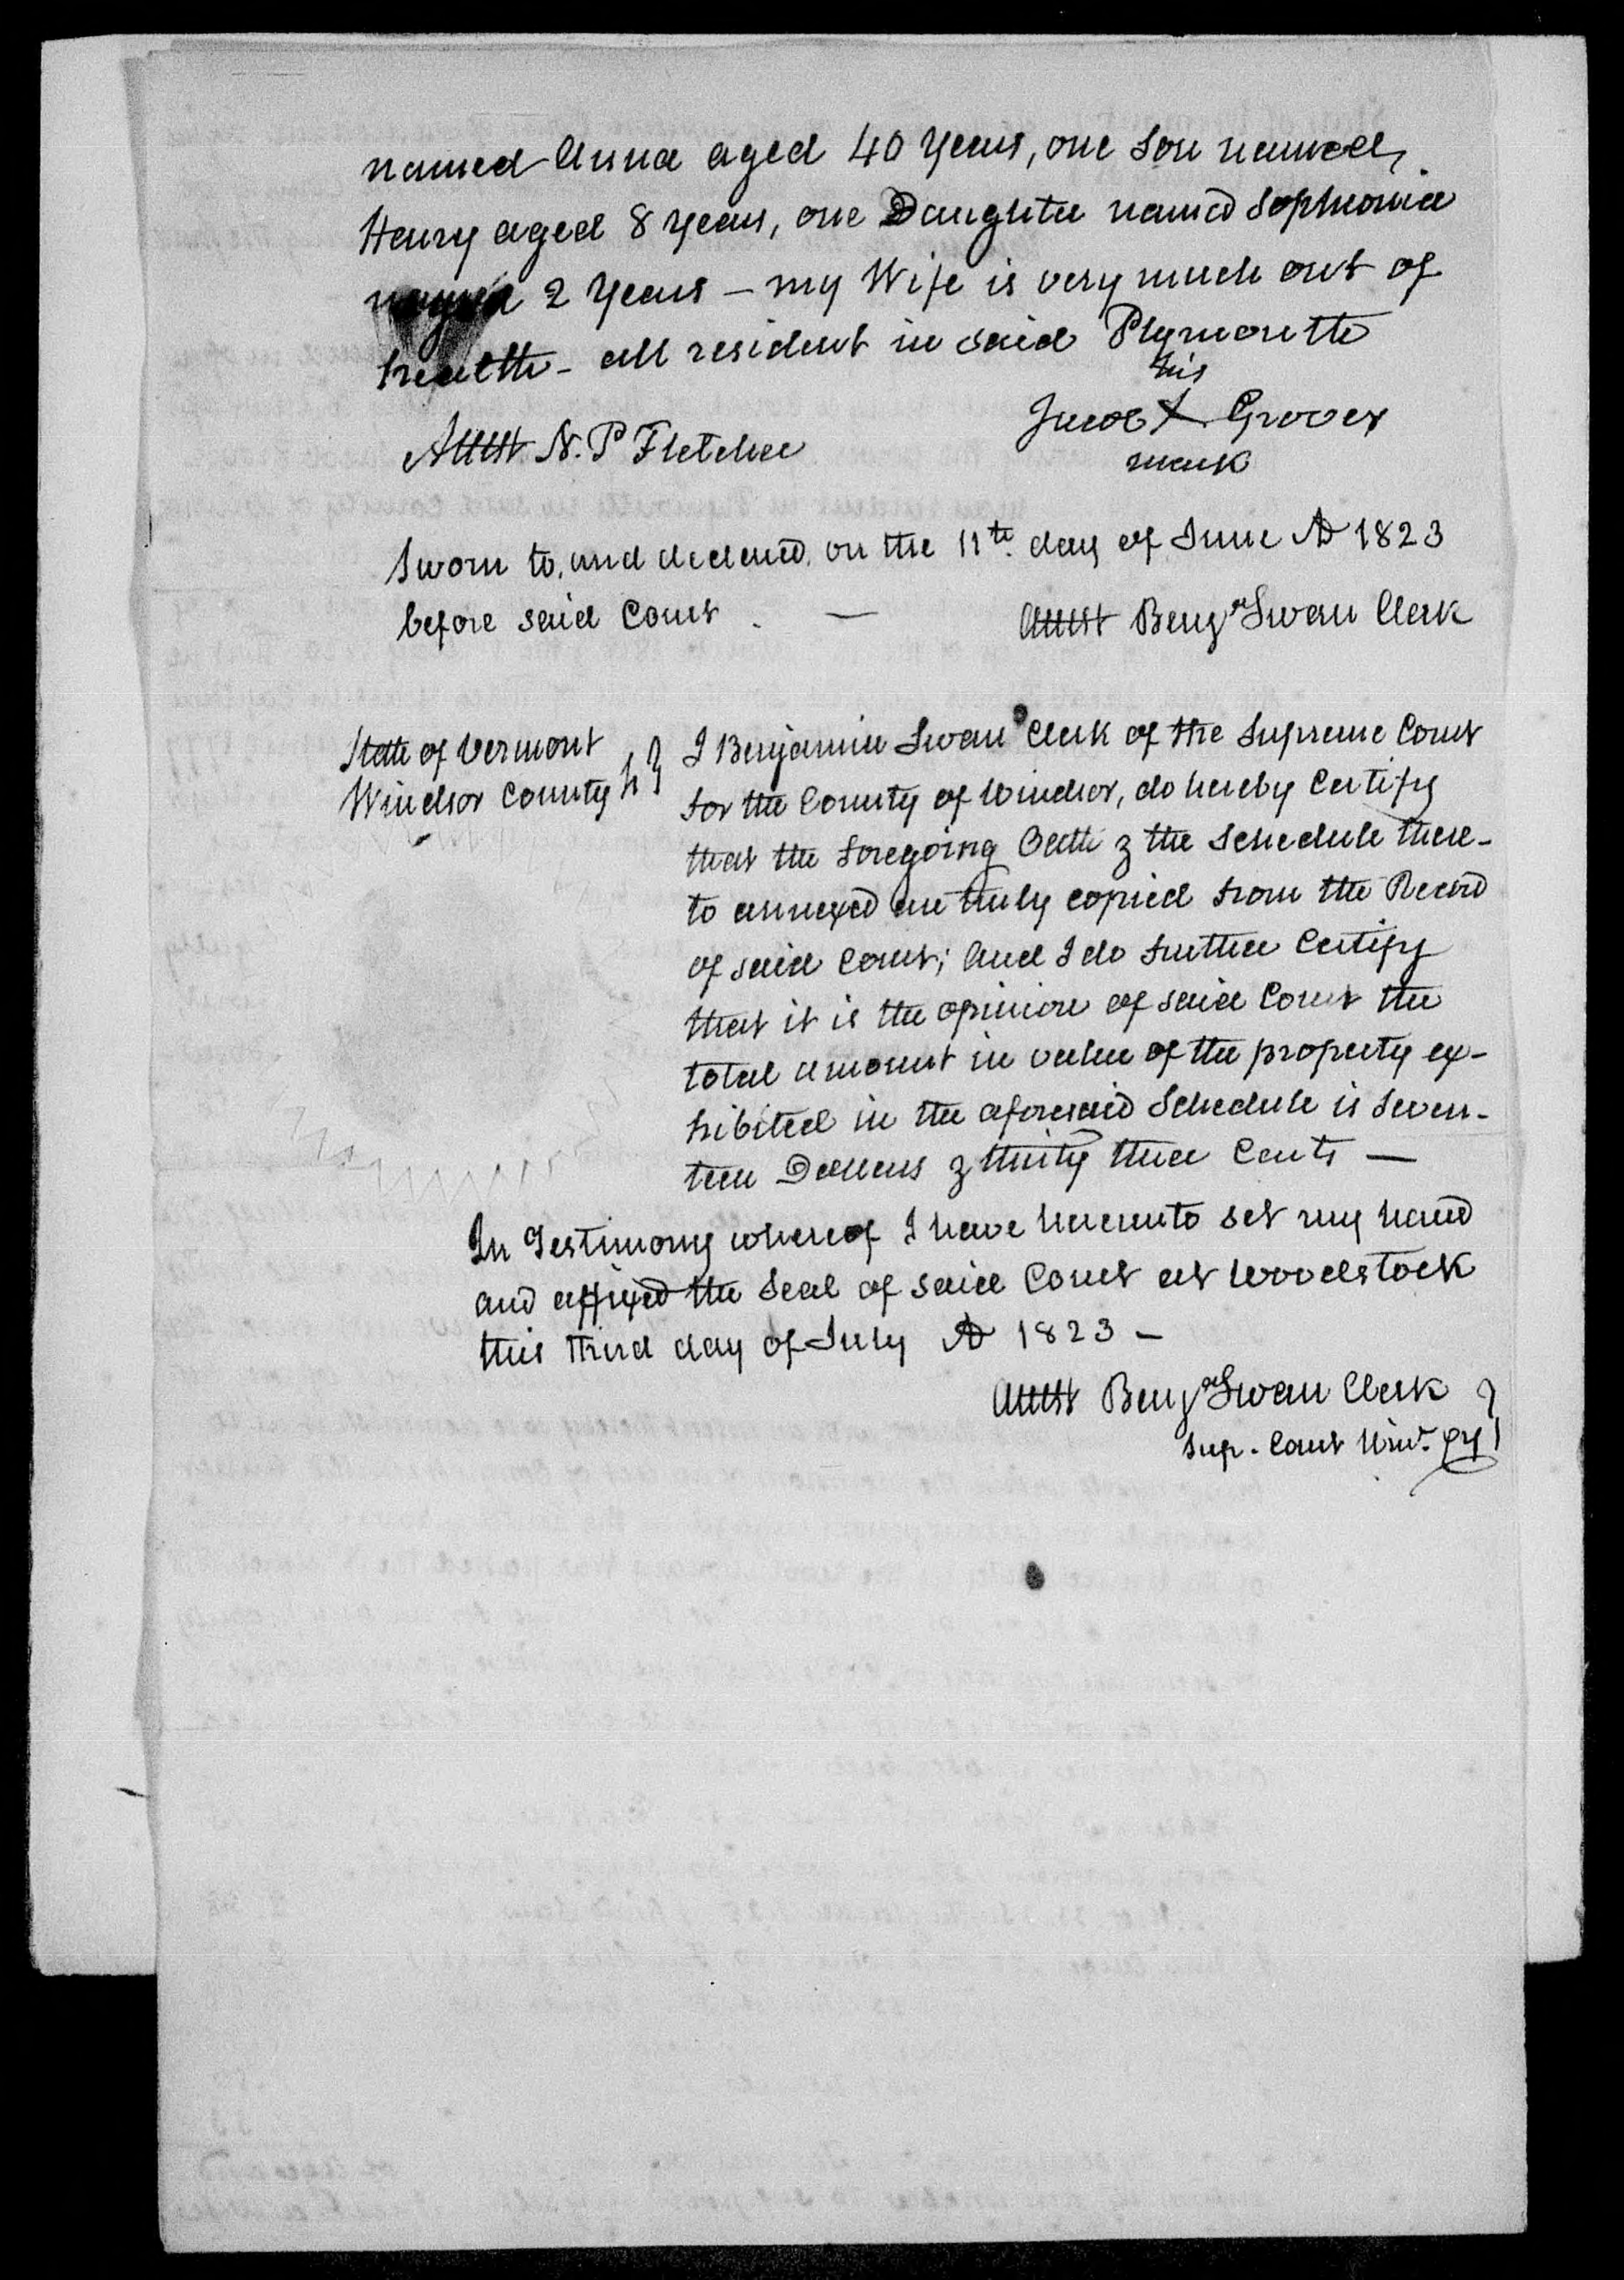named Anna aged 40 years, one son named Henry aged 8 years, one Daughter name Sophonia(?)  aged 2 years - my wife is very much out of health - all resident in said Plymouth
(?) N.P. Fletcher     Jacob (his X mark) Grover
Sworn to and declared on the 11th day of June AD 1823 before said court.
(?) Benj Swan   Clerk

State of Vermont
Windsor County
I Benjamin Swan Clerk of the Supreme Court for the County of Windsor, do hereby certify that the forgoing (?) & the schedule thereto annexed are truly copied from the Record of said court; and I do further certify that it is the opinion of said court the total amount in value of the property exhibited in the aforesaid Schedule is seventeen Dollars & thirty three cents.
In Testimony whereof I have hereunto set my hand and affixed the Seal of said Court at Woodstock this third day of July 1823
(?) Benj Swan   Clerk
Sup. Court Wind. Cty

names: Benjn Swan, Sophronia, Jacob Grover, Benjn Swan, N P Fletcher, Benjamin Swan, Anna, Henry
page: 5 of 22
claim: survivor's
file: S. 38777, Jacob Grover, Continental (Vt.)